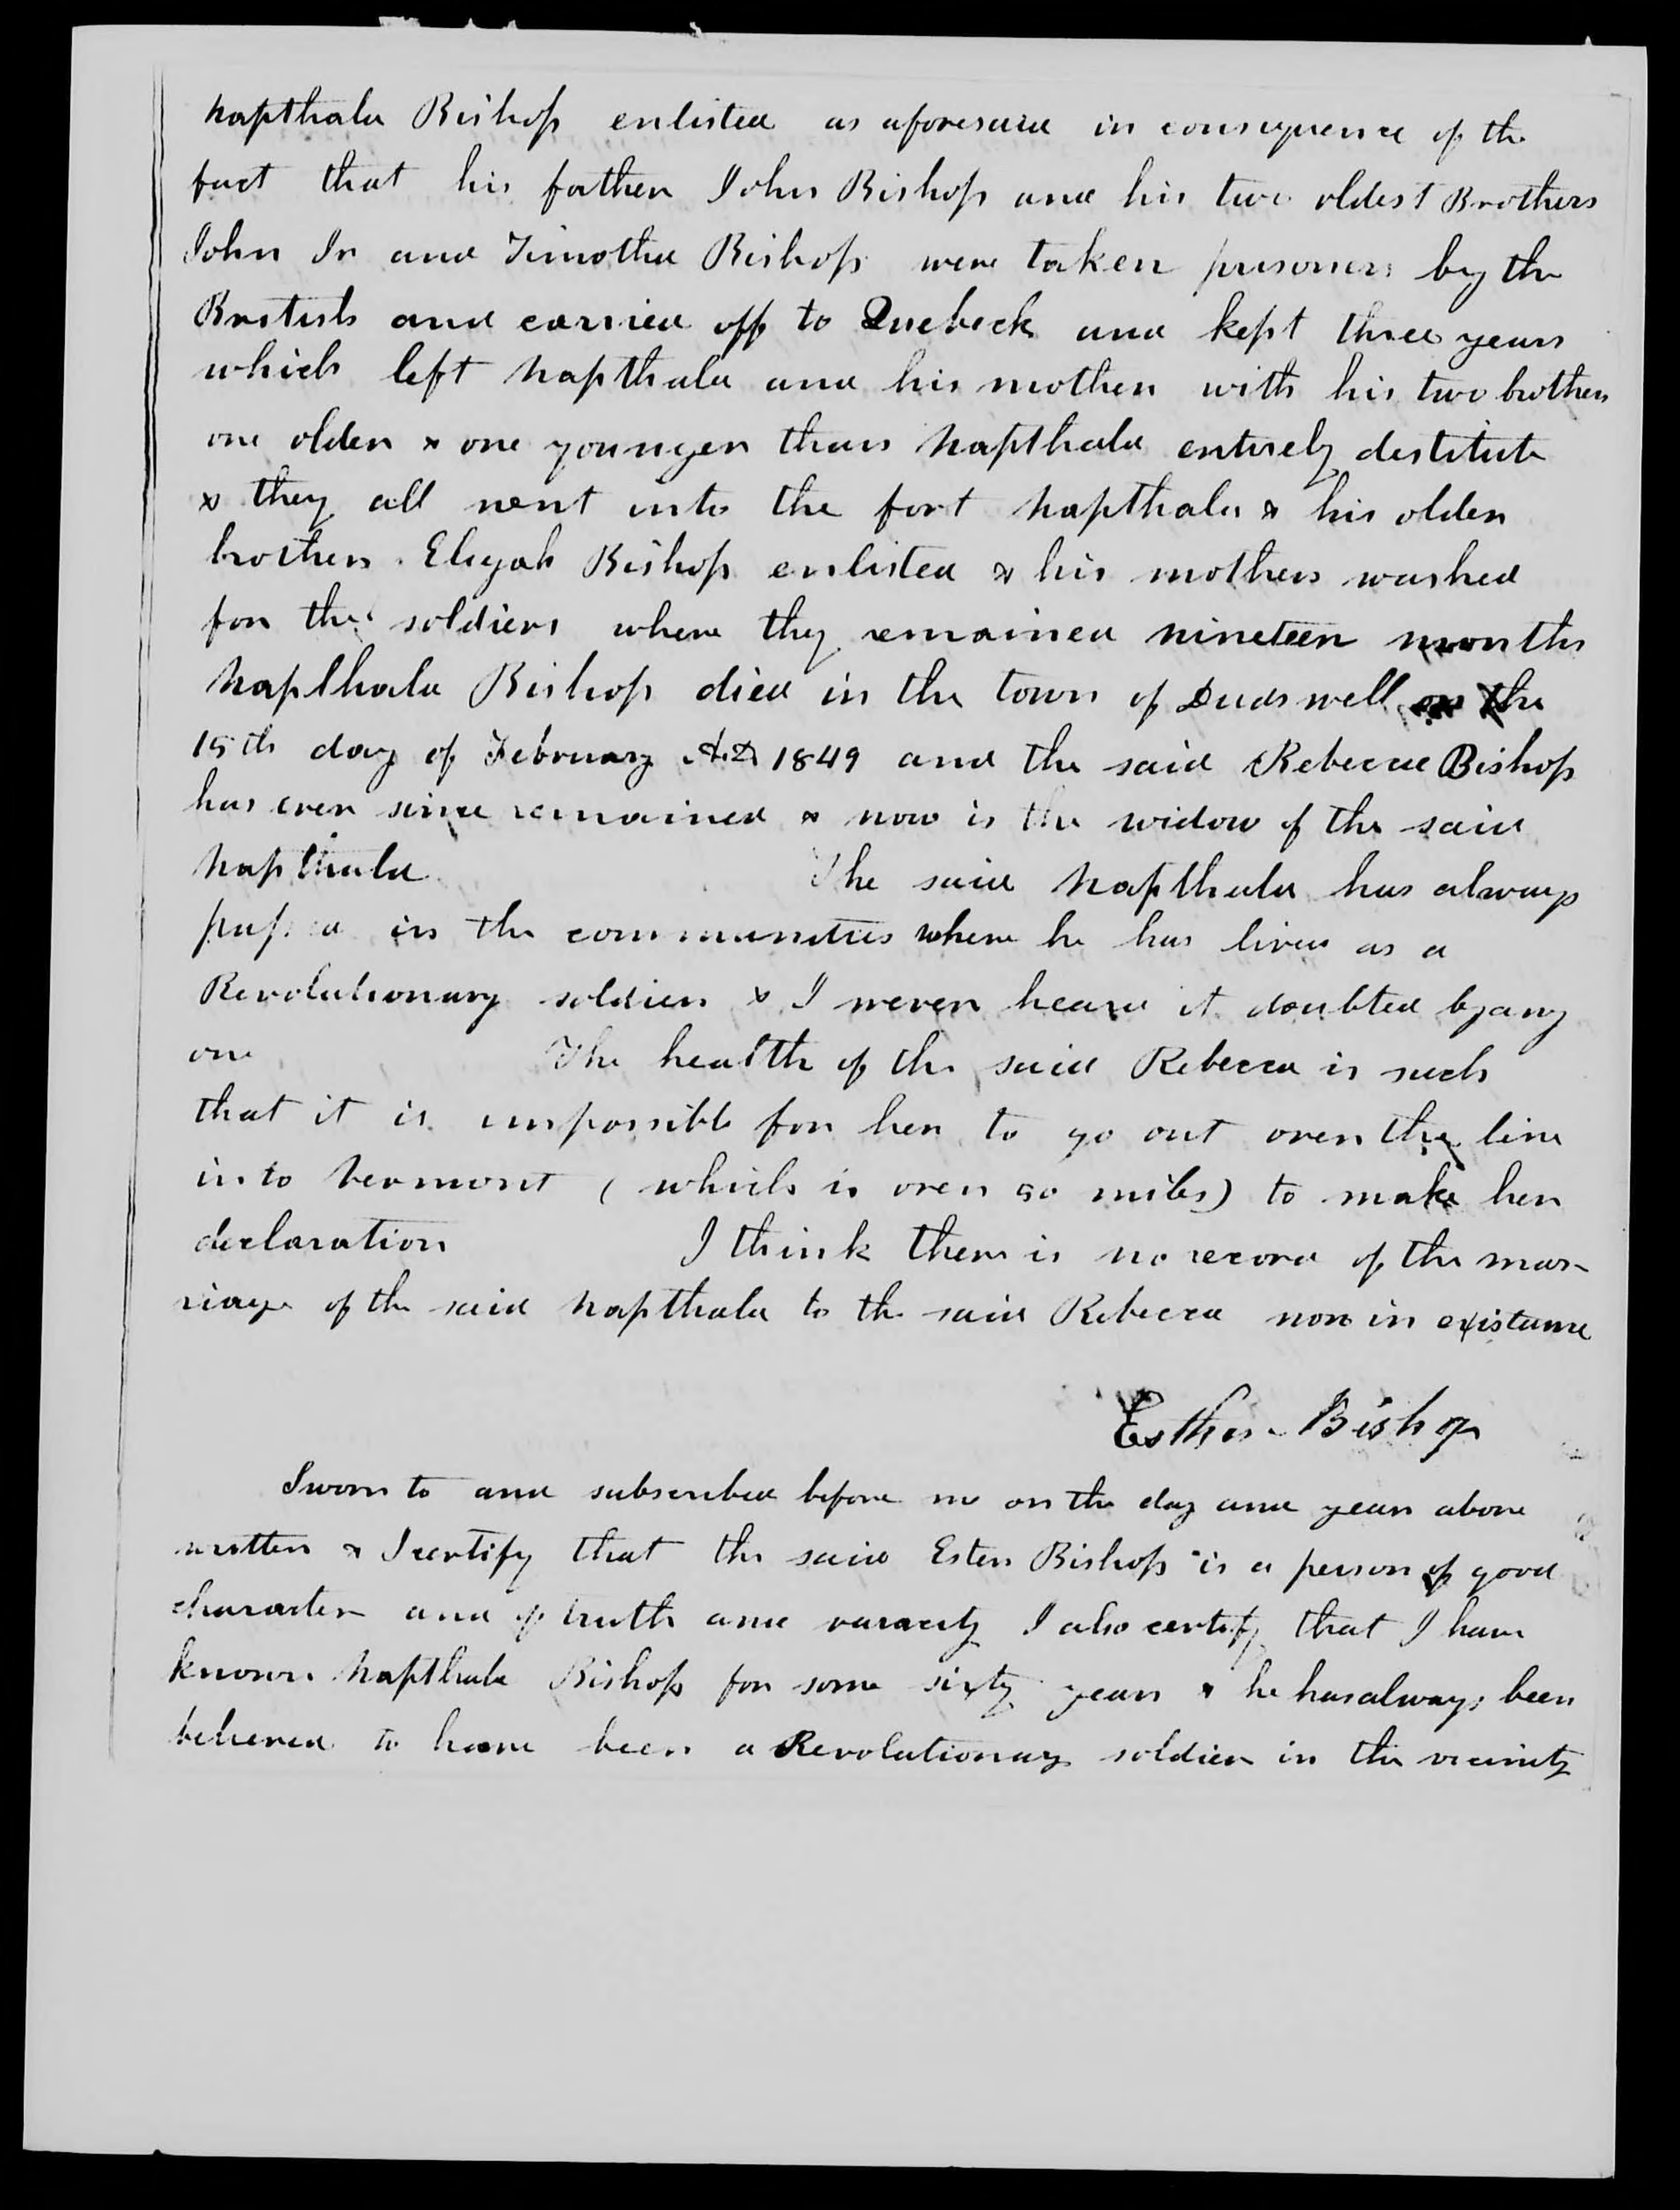Napthala Bishop enlisted as aforesaid in consequence of the fact that his father John Bishop and his two oldest Brothers John Jr and Timothee Bishop were taken prisoners by the British and carried off the Quebeck and kept three years which left Napthala and his mother with his two brothers one older & one younger than Napthala entirely destitute & they all went into the fort Napthala & his older brother. Elijah Bishop enlisted & his mother washed for the soldiers where they remained nineteen months Napthala Bishop died in the town of Dudswell on the 15th day of February A.D. 1849 and the said Rebecca Bishop has ever since remained & now is the widow of the said Napthala The said Napthala has always passed in the communities where he has lived as a Revolutionary soldier & I never heard it doubted by any one The health of the said Rebecca is such that it is impossible for her to go out over the line into Vermont (which is over 50 miles) to make her declaration I think there is no record of the marriage of the mid Napthal to the said Rebecca now in existence
/s/Esther Bishop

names: Timotha Bishop, Eliyah Bishop, Ester Bishop, Napthala Bishop, John Bishop, Napthala, Napthala, Napthala, Rebecca, Napthala, Rebecca Bishop, Napthala Bishop, John, Napthala Bishop, Napthala, Esther Bishop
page: 23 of 27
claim: rejected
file: R. 865, Napthala Bishop, Vt.